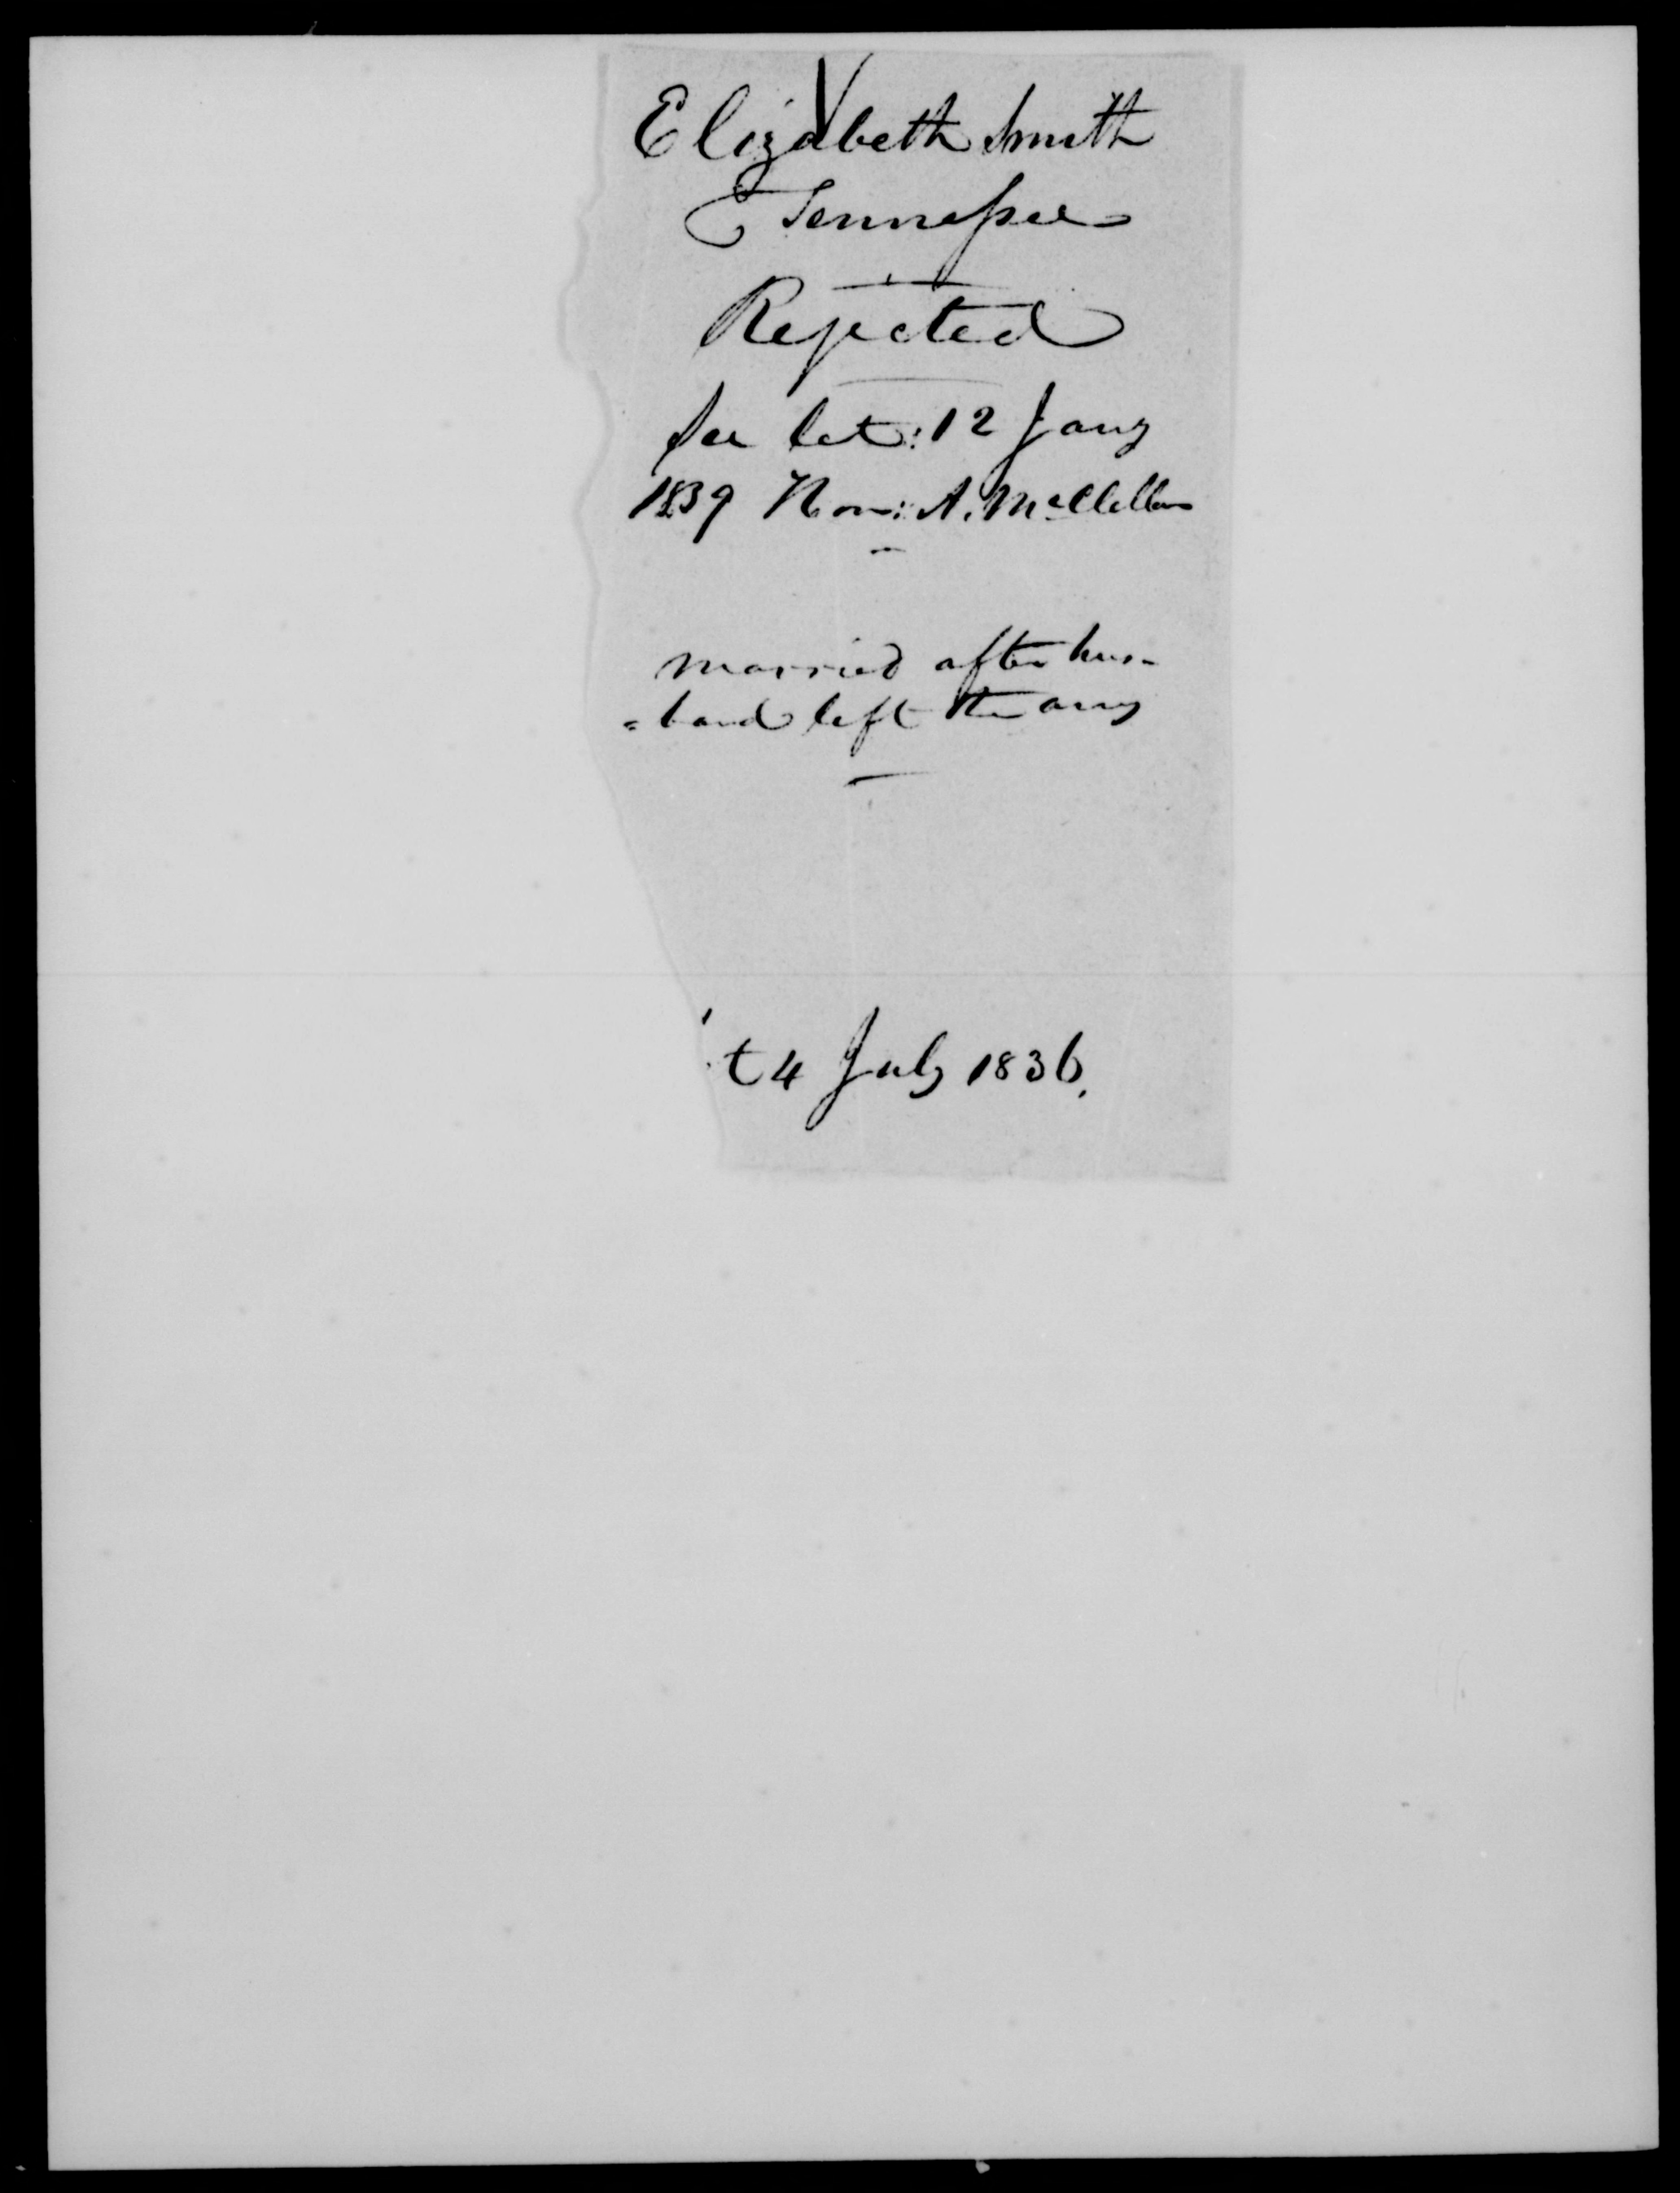Elizabeth Smith
Tennefsee
Rejected
See let: 12 Jany
1839 Hon: A McClellan

married after husband
left the army

[illegible] 4 July 1836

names: A Mc Clellan; Elizabeth Smith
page: 74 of 79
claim: widow's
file: W. 1504, for Robert Smith, North Carolina